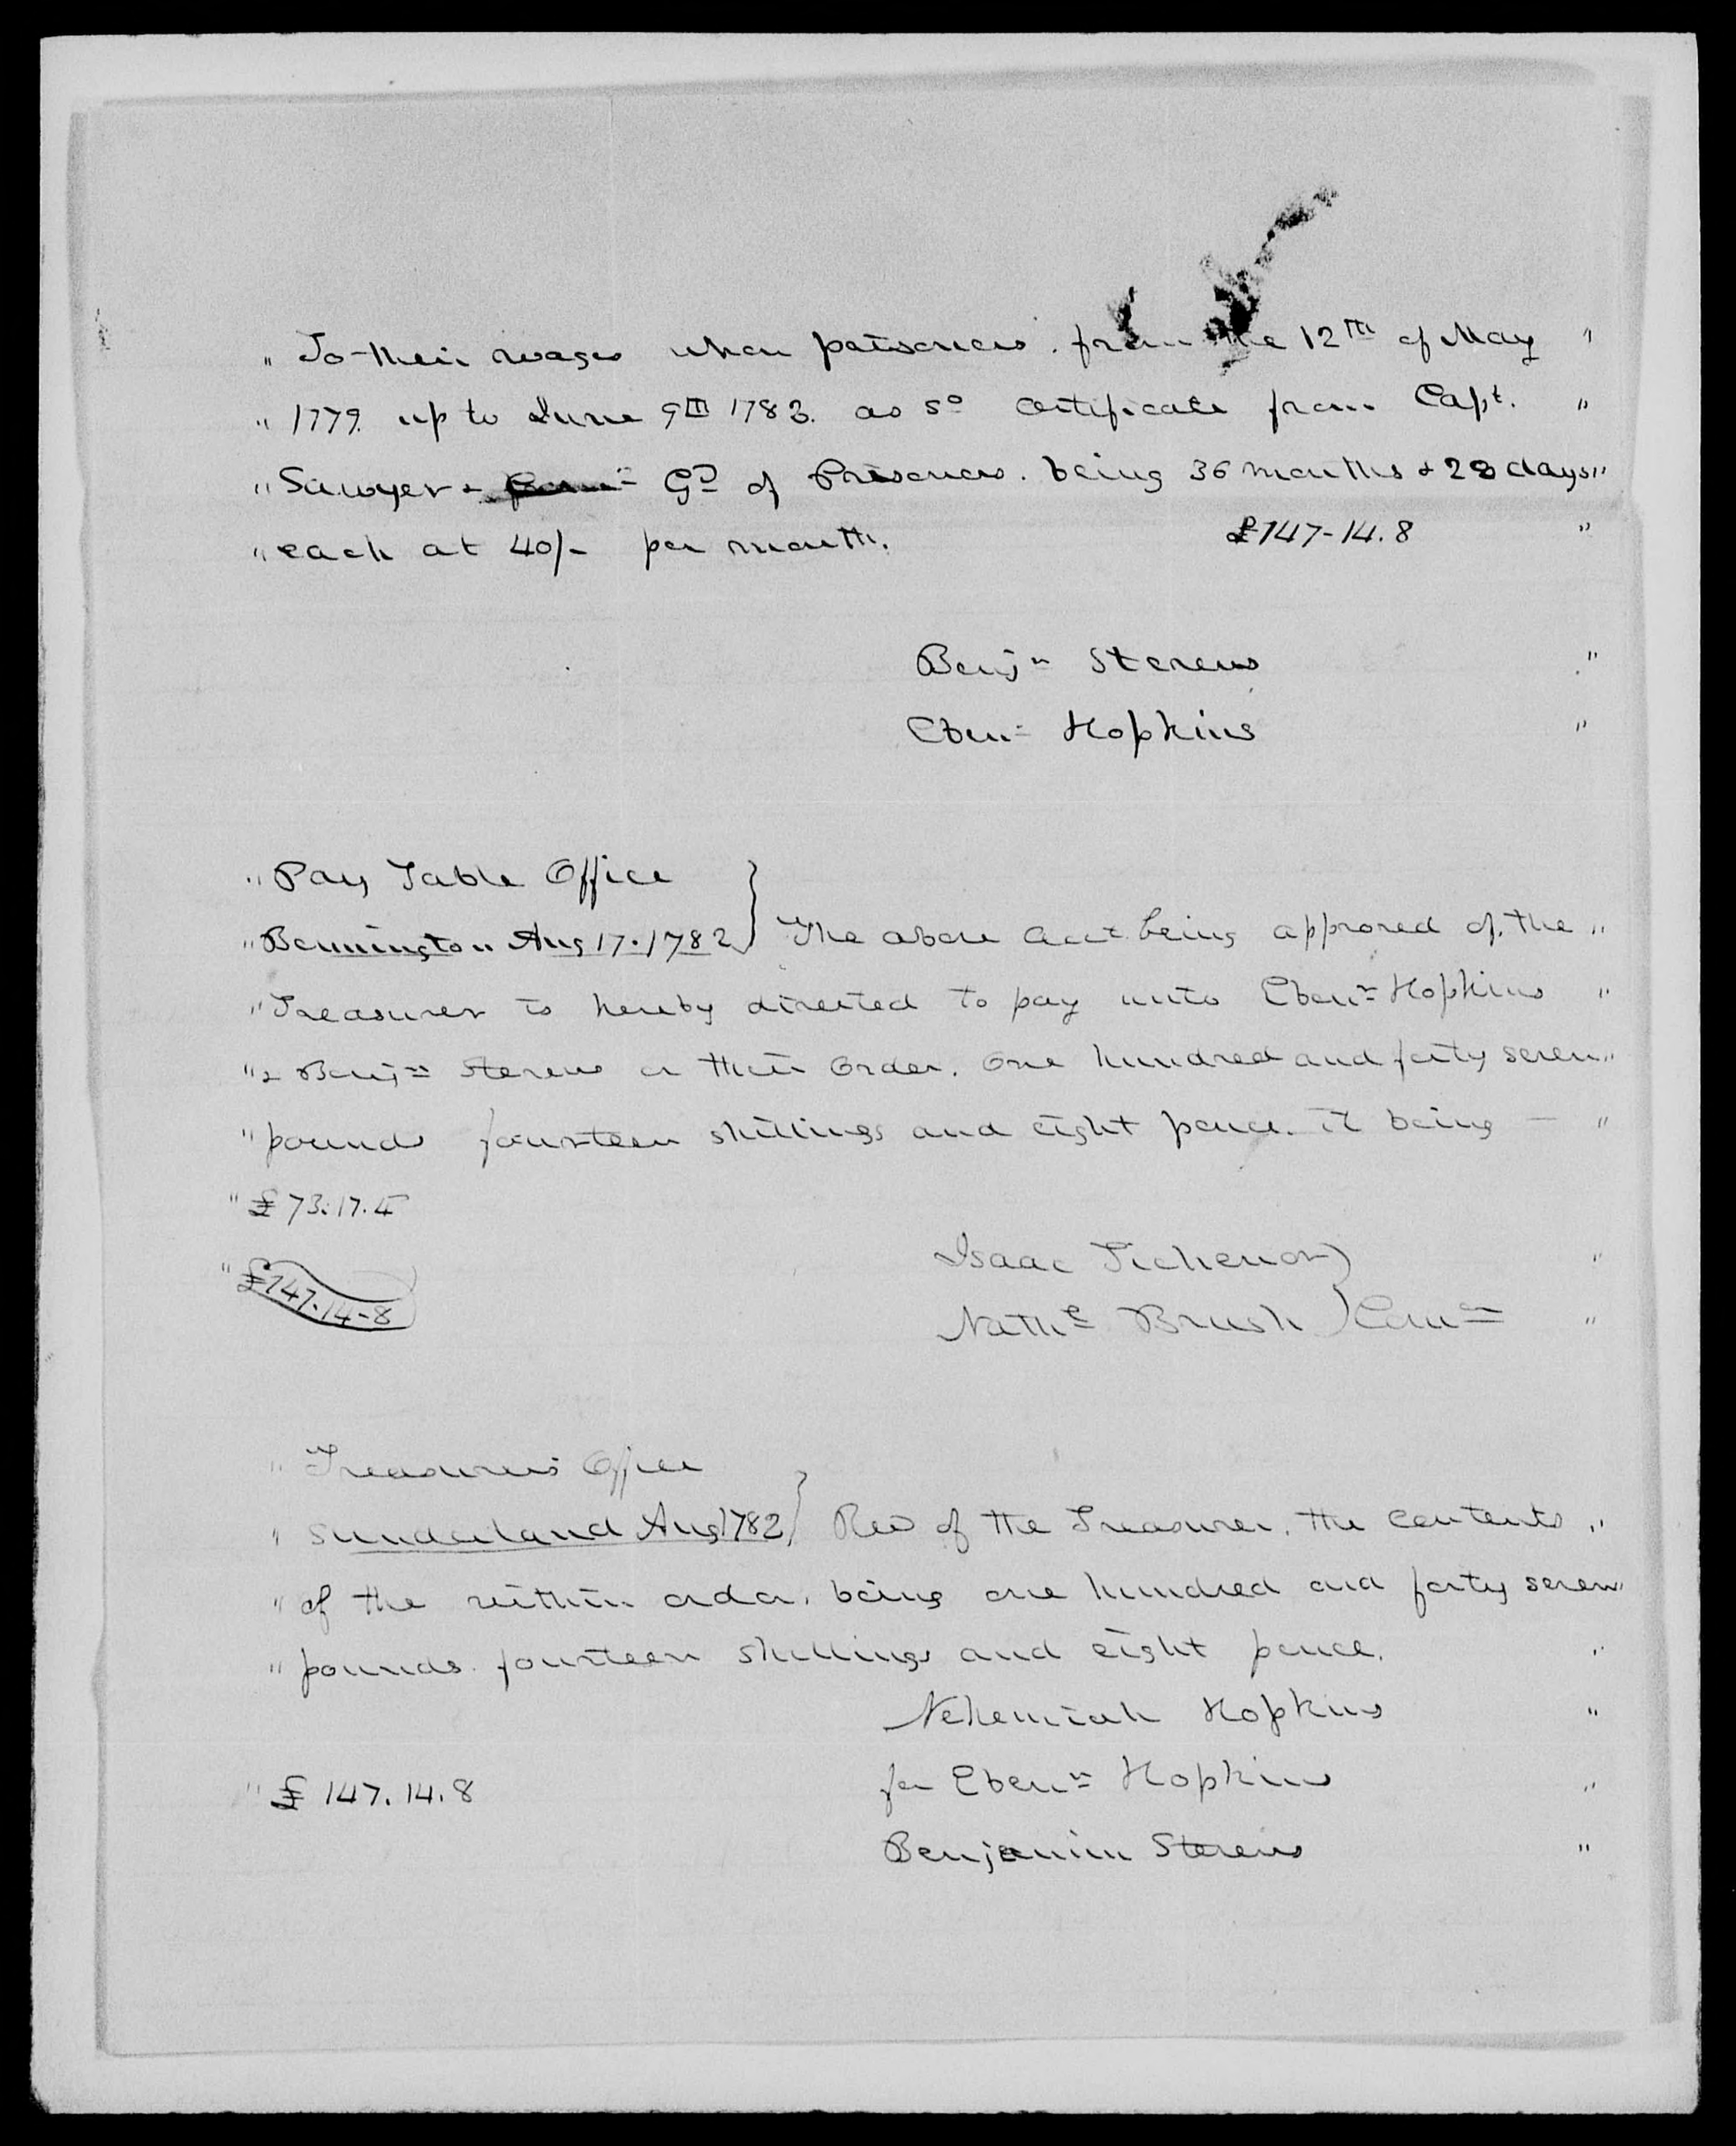to their wages when prisoners from the 12th of May 1779 up to June 9th 1783 as so certificate from Capt. Sawyer & [illegible] [illegible] of Prisoners, being 36 months & 28 days each at 40/- per mark  £147-14.8
Benjn Stevens
Eben Hopkins

Pay Table Office}
Bennington Aug 17.1782}  The above act being approved of the 
Treasurer to hereby directed to pay unto Ebenr Hopkins
Benjn Stevens on their order. One hundred and forty seven
pound fourteen shillings and eight pence, it being
£73.17.4
Isaac Pickenor
£147.14.8  Nathl Brush Comr

Treasurers Office
Sunderland Aug 1782} Rev of the Treasurer, the contents
of the within order being one hundred and forty seven
pounds fourteen shillings and eight pence
Nehemiah Hopkins
£147.14.8    for Ebenr Hopkin
Benjamin Stevens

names: Nathl Brush, Ebenr Hopkins, Isaac Tichenor, Nehemiah Hopkins, Sawyer, Benjamin Stevens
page: 87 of 144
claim: rejected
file: R. 5208, Dennis Hopkins, N.C.